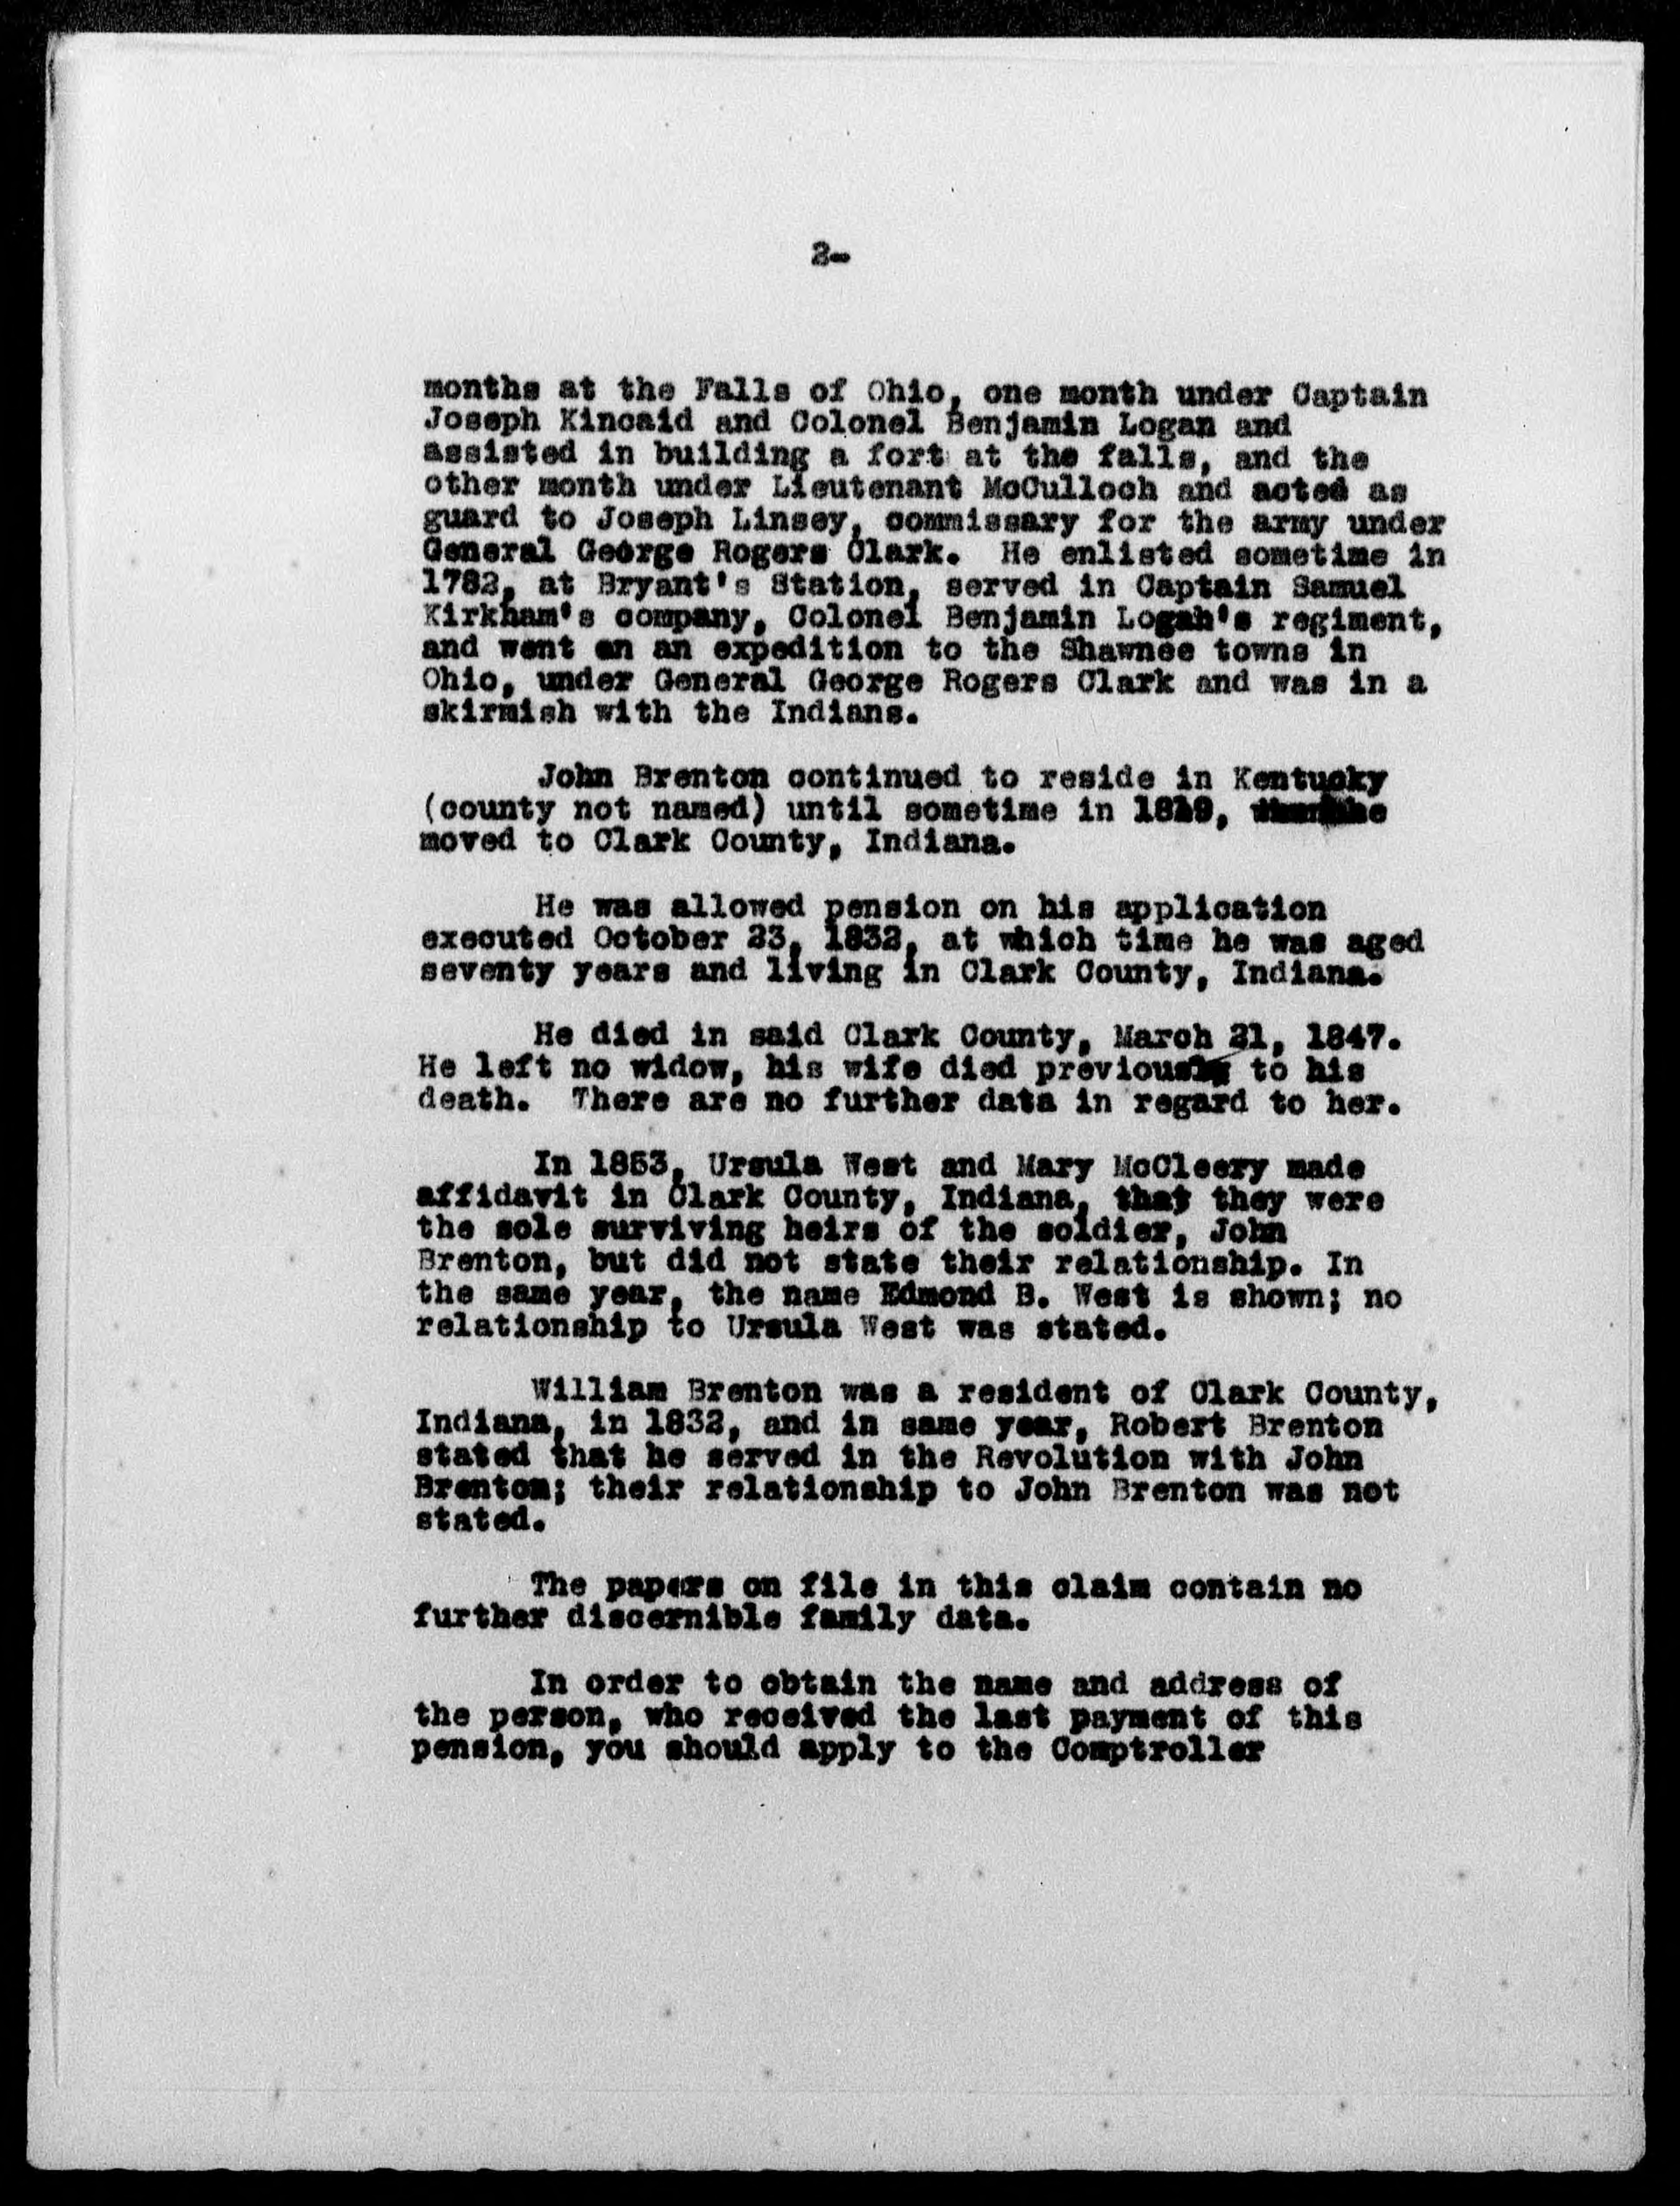[page] 2-
months at the Falls of Ohio, one month under Captain Joseph Kincaid and Colonel Benjamin Logan and assisted in building a fort at the falls, and the other month under Lieutenant McCulloch and acted as guard to Joseph Linsey, commissary for the army under General George Rogers Clark. He enlisted sometime in 1782, at Bryant's Station, served in Captain Camuel Kirkham's Company, Colonel Benjamin Logan's regiment, and went on an expedition to the Shawnee town in Ohio, under General George Rogers Clark and was in a skirmish with the Indians.
John Brenton continued to reside in Kentucky (county not named) until sometime in 1829, when he moved to Clark County, Indiana.
He was allowed pension on his application executed October 23, 1832, at which time he was aged seventy years and living in Clark County, Indiana.
He died in said Clark County, March 21, 1847. He left no widow, his wife died previous to his death.  There are no further data in regard to her.
In 1853, Ursula West and Mary McCleery made affidavit in Clark County, Indiana, that they were the sole surviving heirs of the soldier, John Brenton, but did not state their relationship. In the same year, the name Edmond B. West is shown; no relationship to Ursula West was stated.
William Brenton was a resident of Clark County, Indiana, in 1832, and in same year, Robert Brenton stated that he served in the Revolution with John Brenton; their relationship to John Brenton was not stated.
The papers on file in this claim contain no further discernible family data.
In order to obtain the name and address of the person, who received the last payment of this pension, you should apply to the Comptroller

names: Ursula West, John Brenton, Edmond B West, Mc Culloch, Robert Brenton, John Brenton, Joseph Linsey, Benjamin Logan, Ursula West, John Brenton, George Rogers Clark, William Brenton, George Rogers Clark, John Brenton, Mary Mc Cleery, Joseph Kincaid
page: 24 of 26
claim: survivor's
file: S. 16059, John Brenton, Penn. Va.